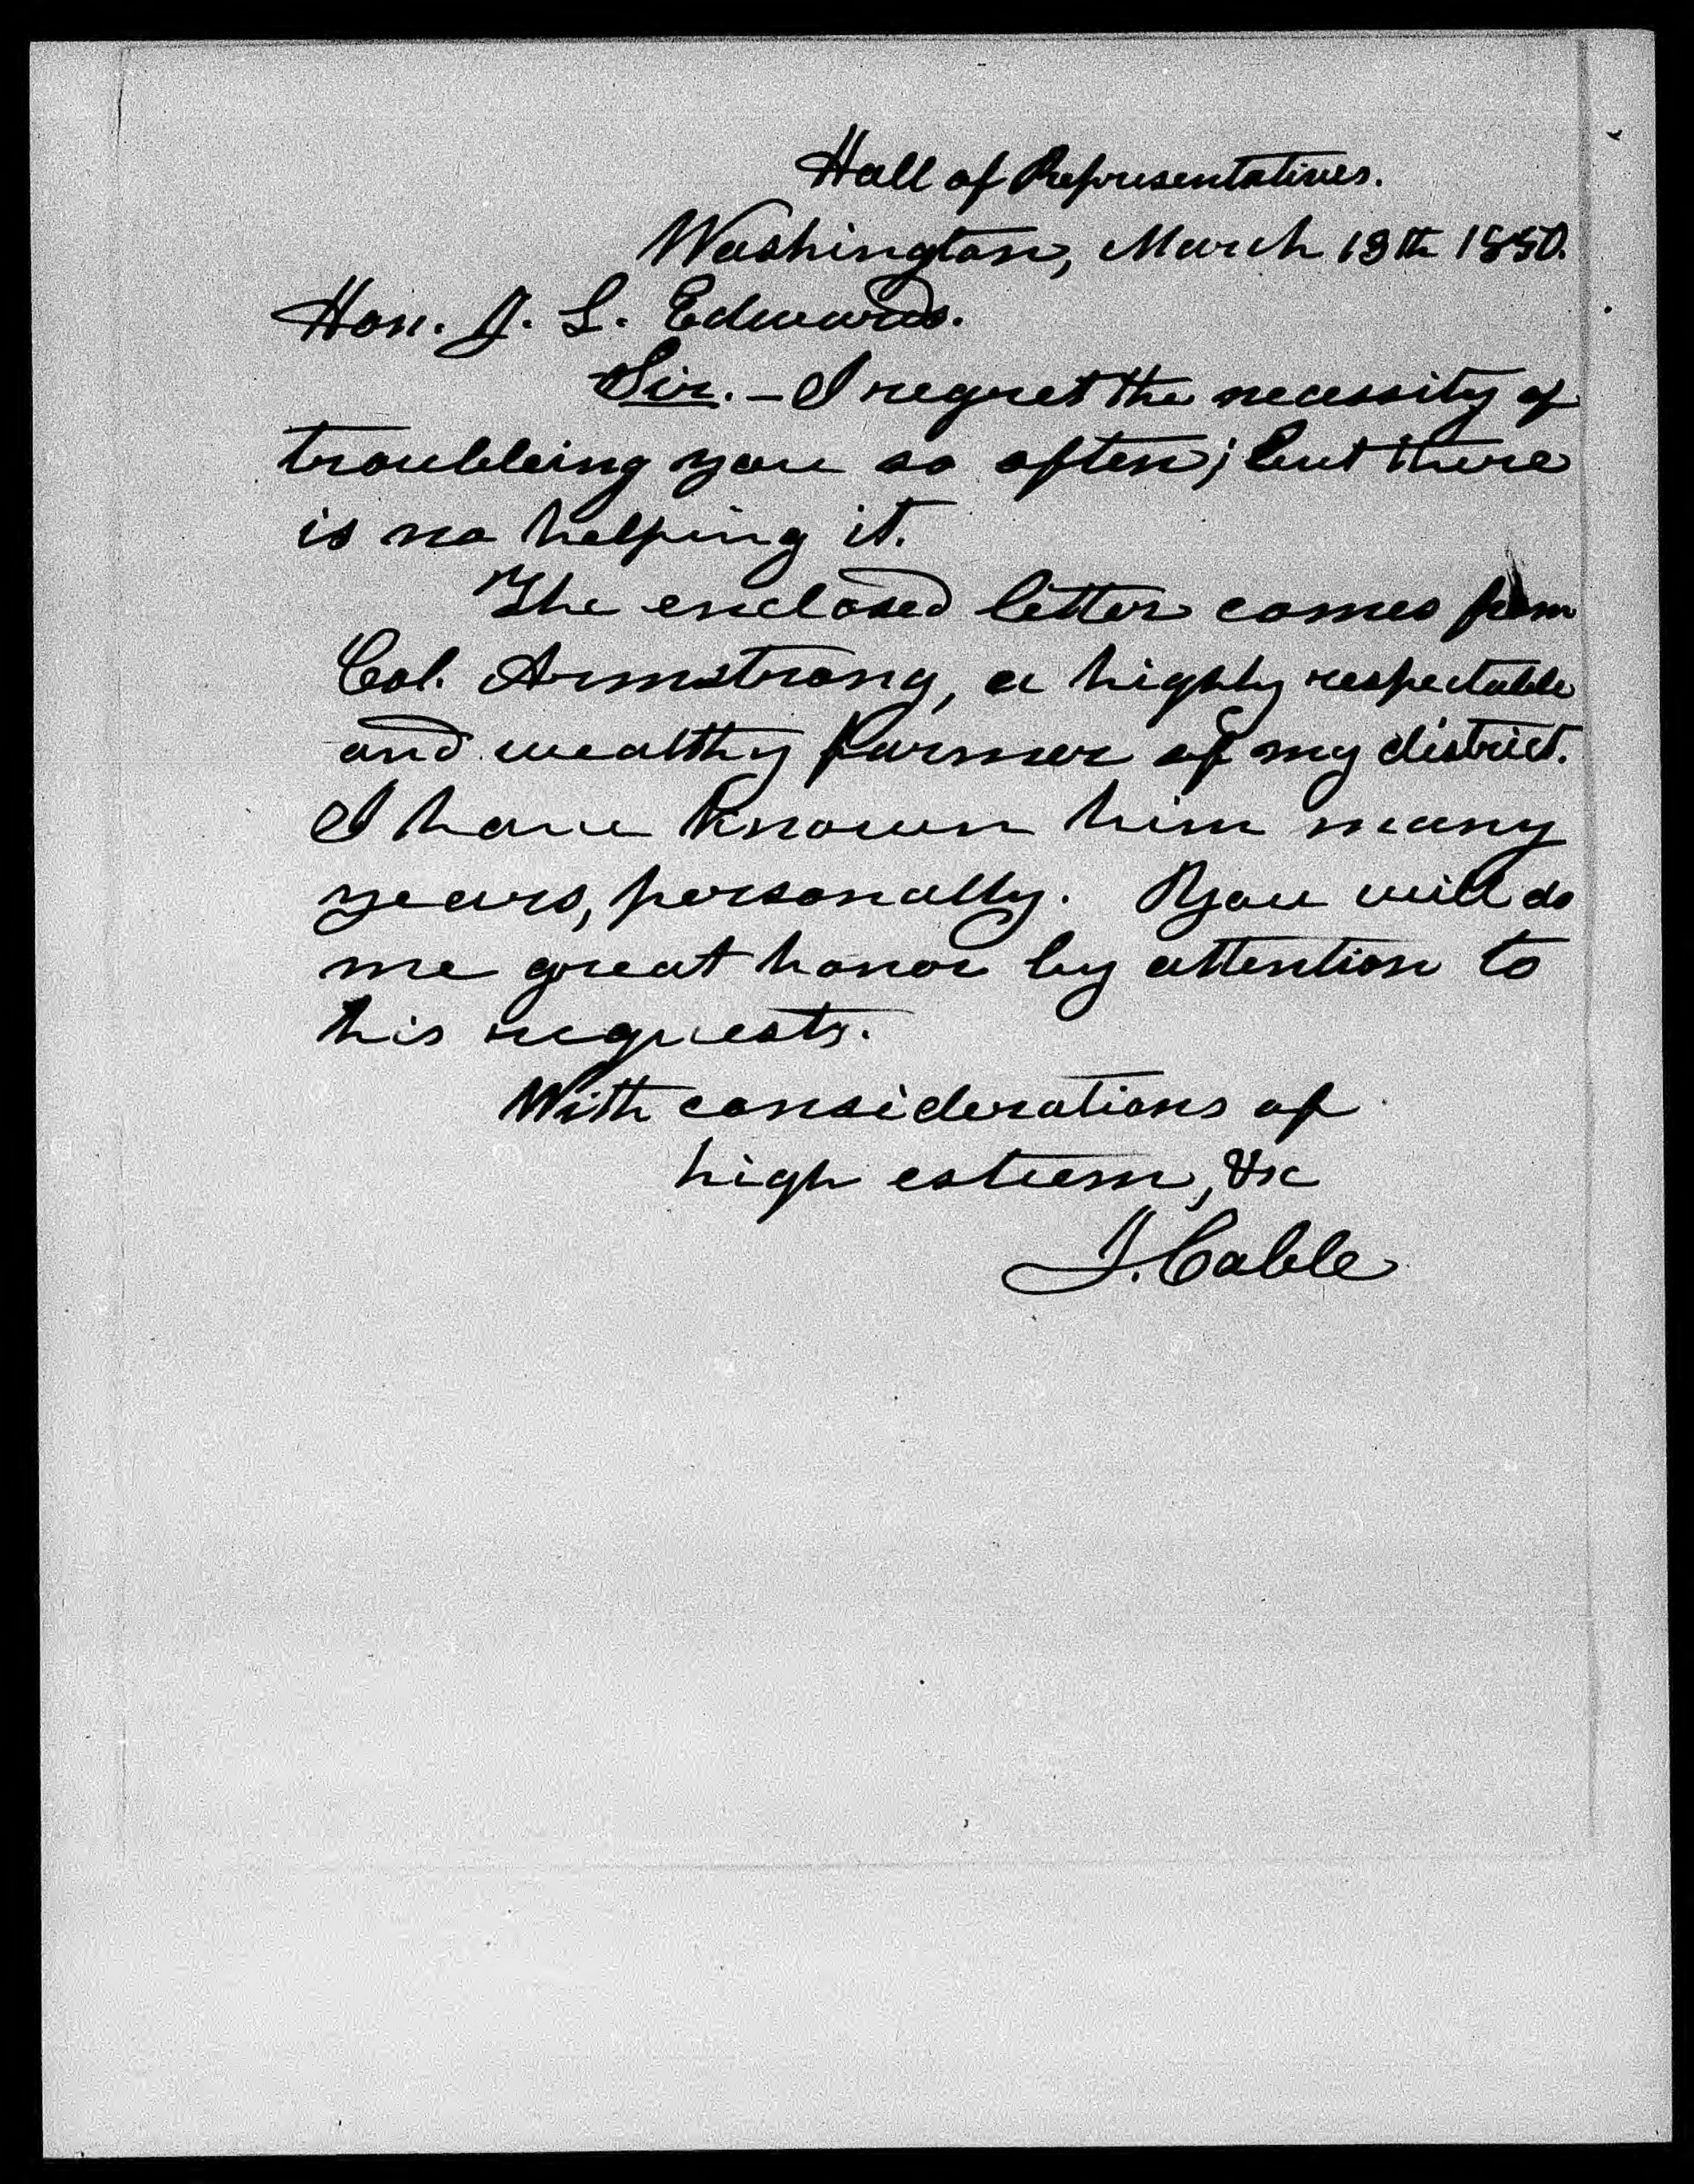Hall of Representatives

Washington, March 18, 1850

Hon J L Edwards

Sir:

I regret the necessity of troubling you so often; but there is no helping it.

The enclosed letter comes from Col Armstrong, a highly respectable and wealthy farmer of my district.  I have known him many years personally.  You will do me great honor by attention to his requests.

With considerations of high esteem,

J Cable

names: [BLANK] Armstrong; J Cable; J L Edwards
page: 10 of 16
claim: survivor's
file: S. 2764, for James Mc Clellan, Pennsylvania